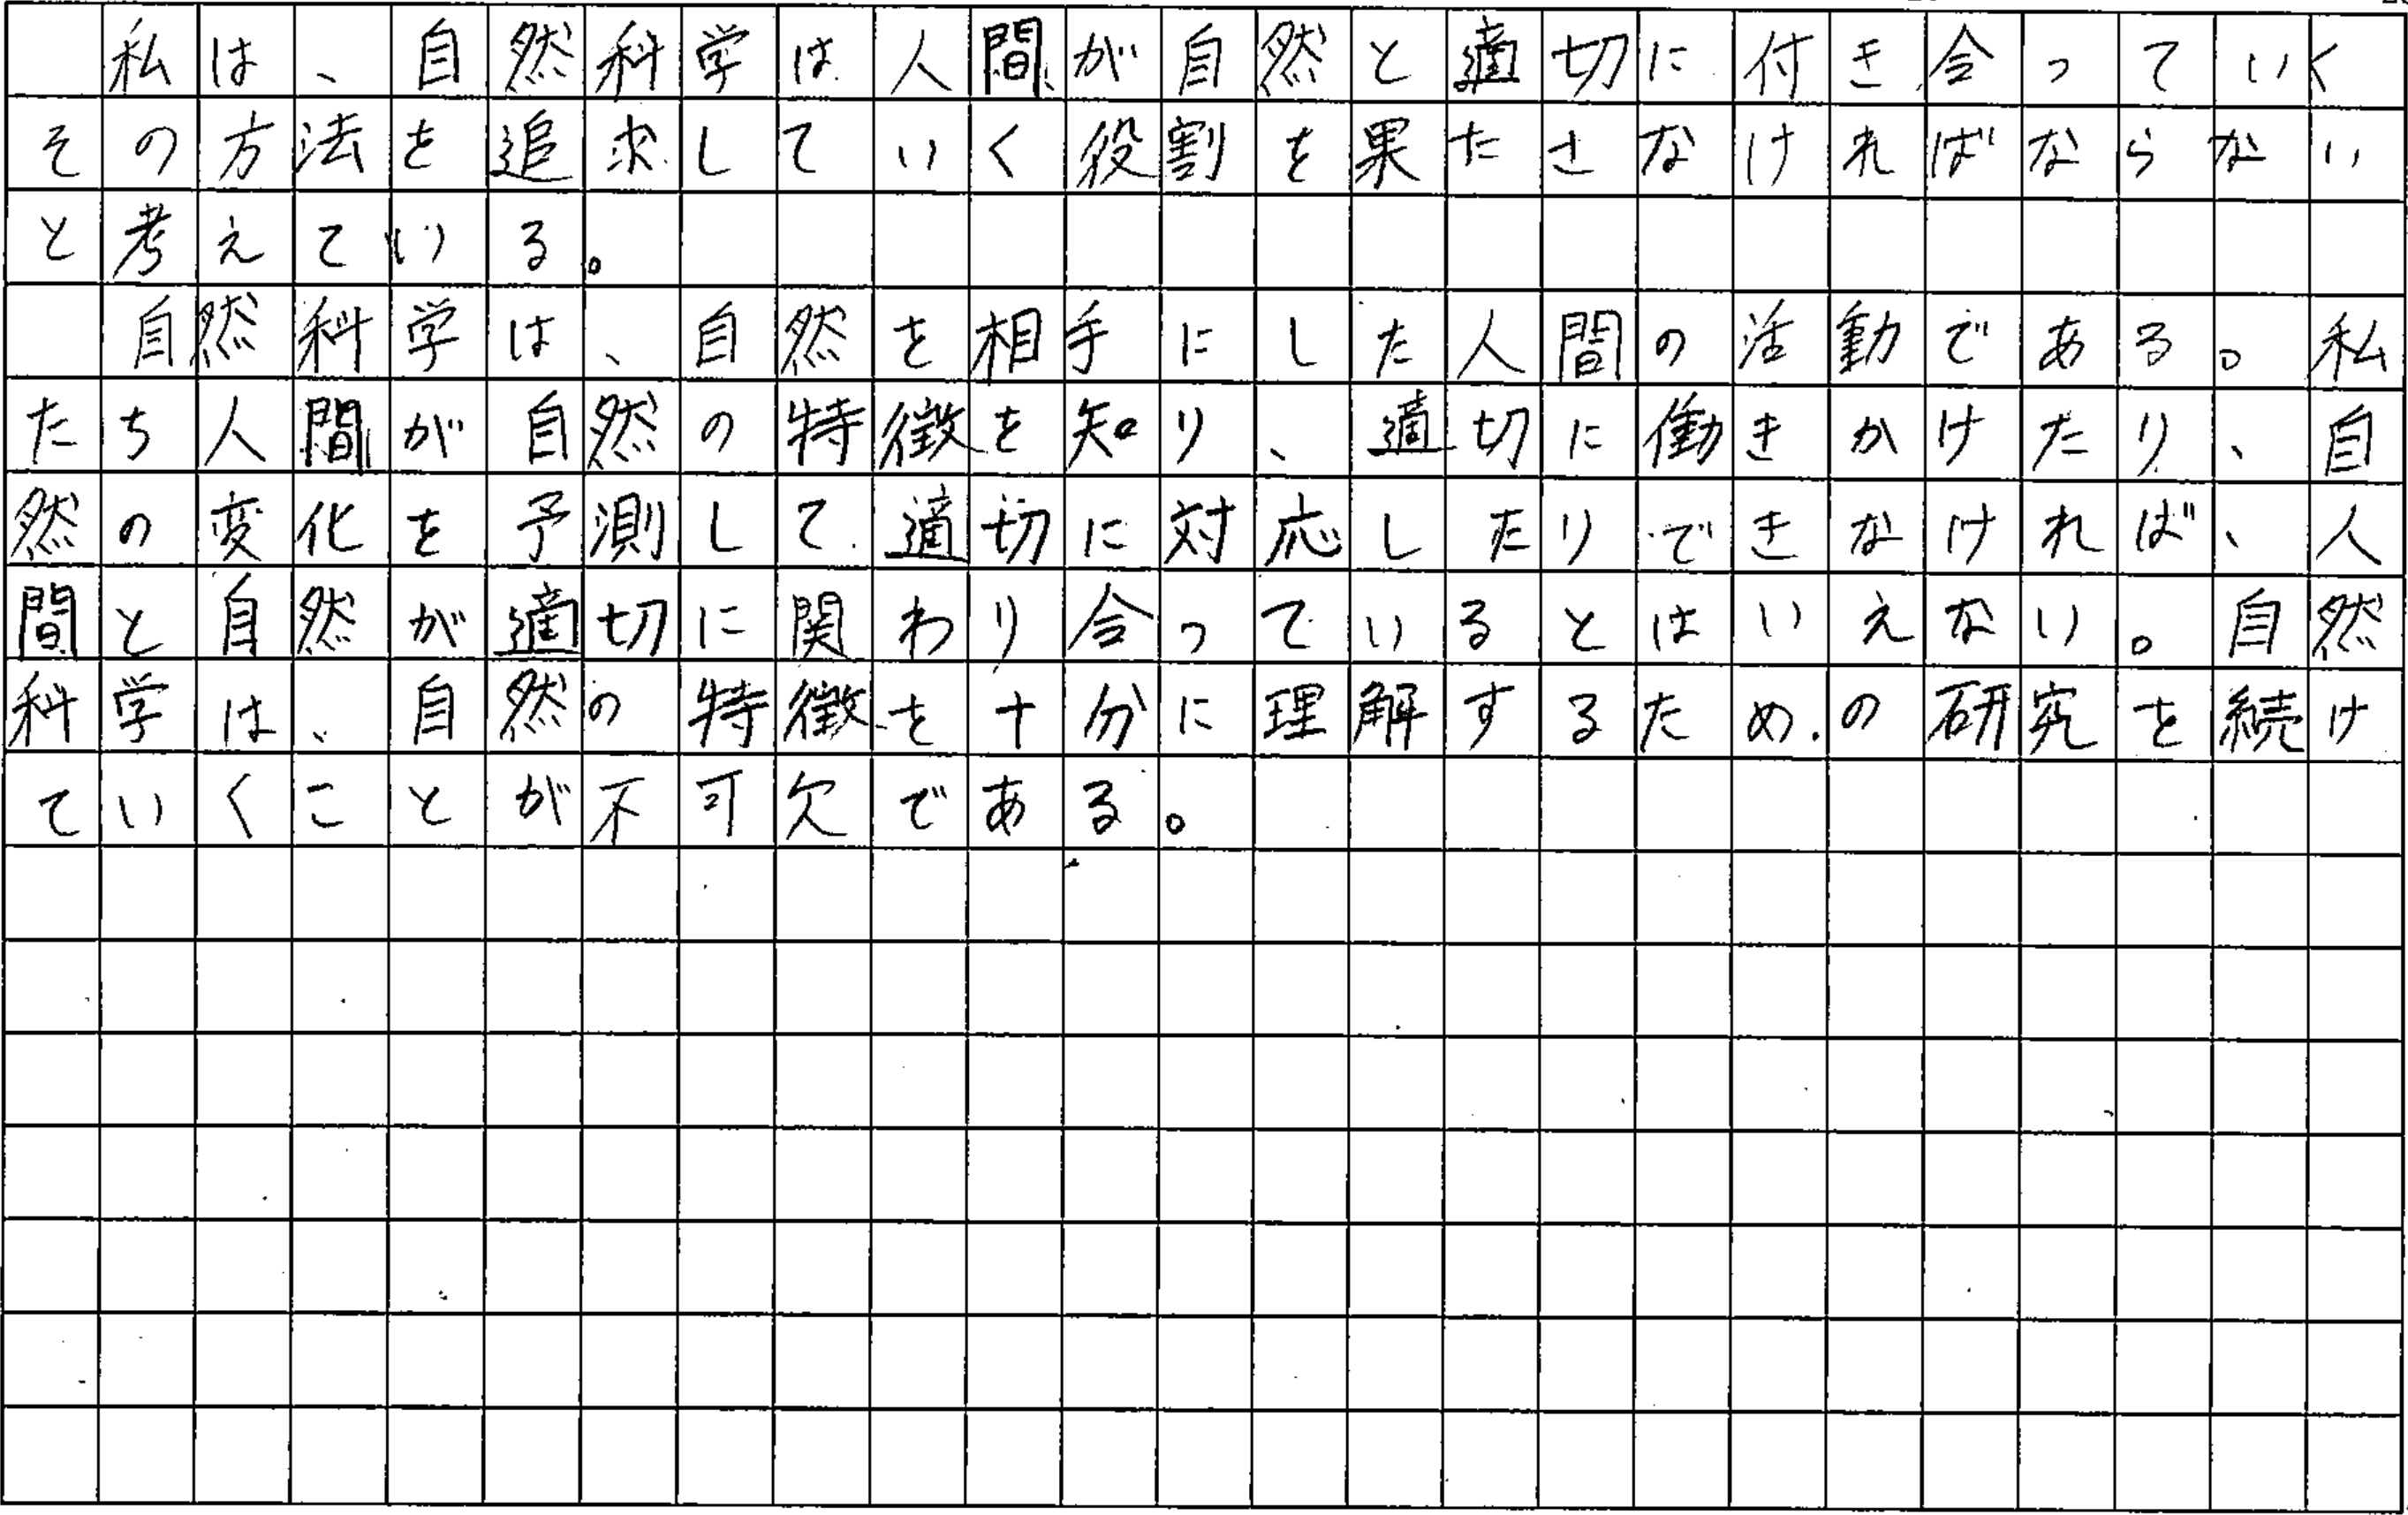　私は、自然科学は人間が自然と適切に付き合っていくその方法を追求していく役割を果たさなければならないと考えている。
　自然科学は、自然を相手にした人間の活動である。私たち人間が自然の特徴を知り、適切に働きかけたり、自然の変化を予測して適切に対応したりできなければ、人間と自然が適切に関わり合っているとはいえない。自然科学は、自然の特徴を十分に理解するための研究を続けていくことが不可欠である。
